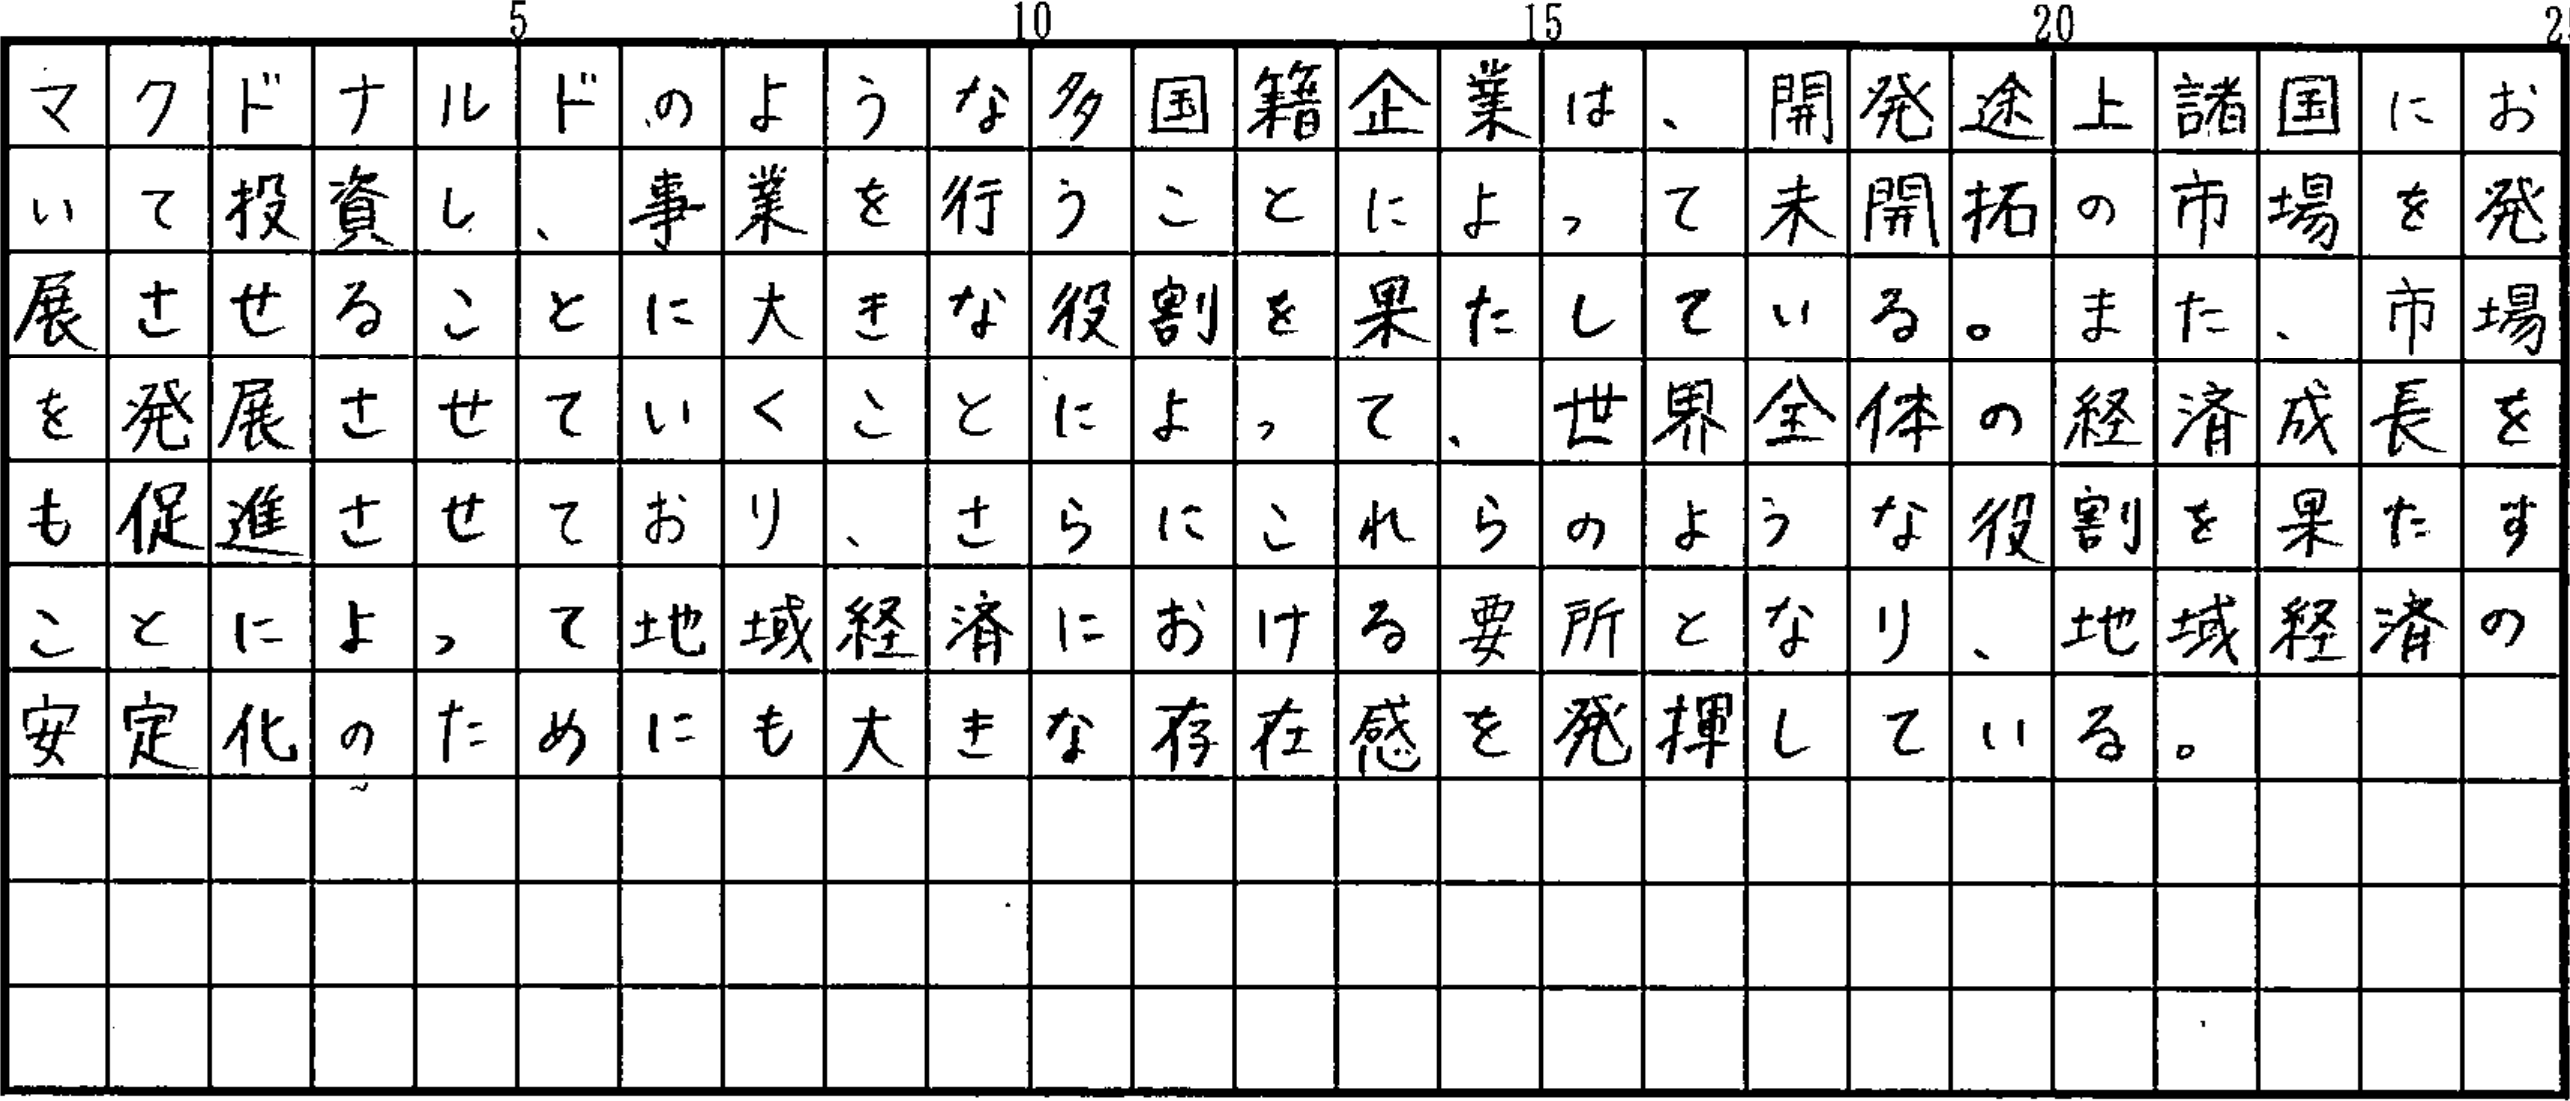マクドナルドのような多国籍企業は、開発途上諸国において投資し、事業を行うことによって未開拓の市場を発展させることに大きな役割を果たしている。また、市場を発展させることによって、世界全体の経済成長をも促進させており、さらにこれらのような役割を果たすことによって地域経済における要所となり、地域経済の安定化のためにも大きな存在感を発揮している。
